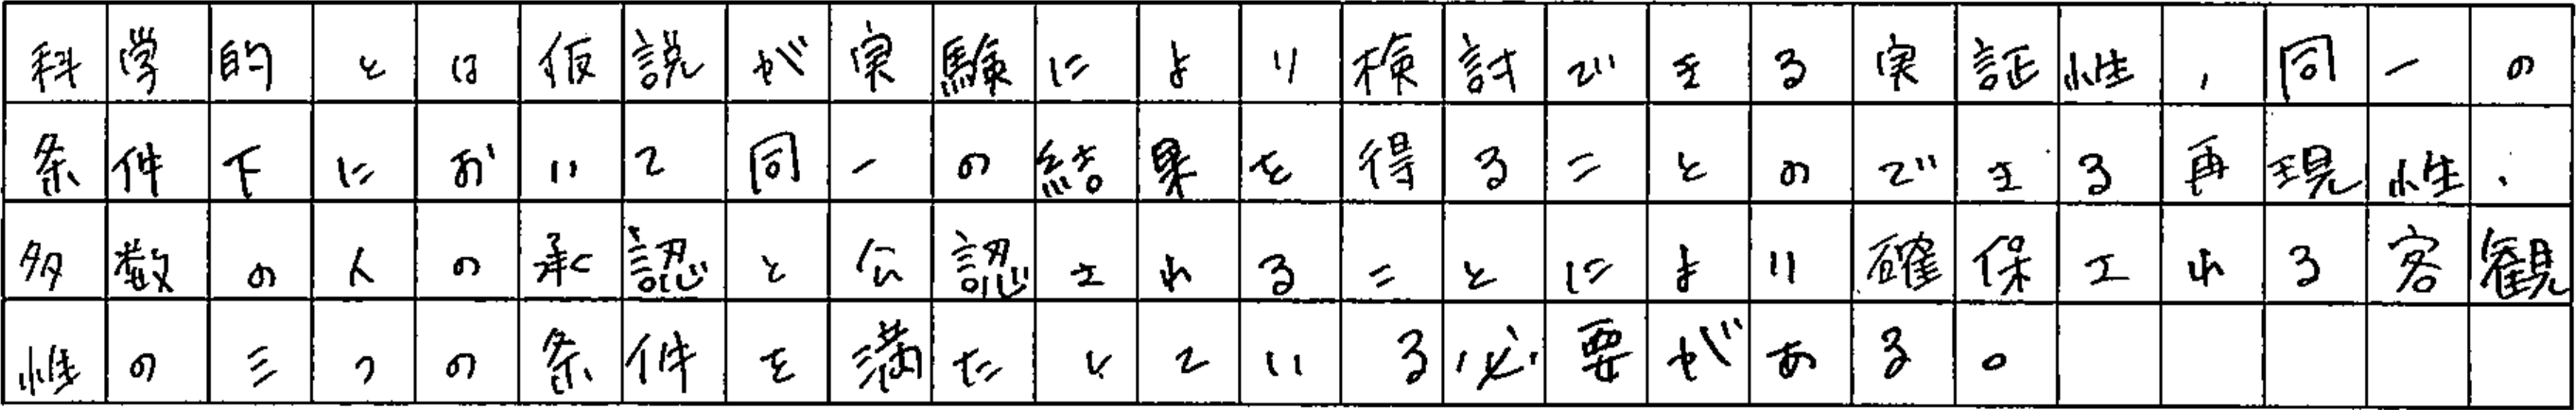科学的とは仮説が実験により検討できる実証性、同一の条件下において同一の結果を得ることのできる再現性、多数の人の承認と公認されることにより確保される客観性の三つの条件を満たしている必要がある。
